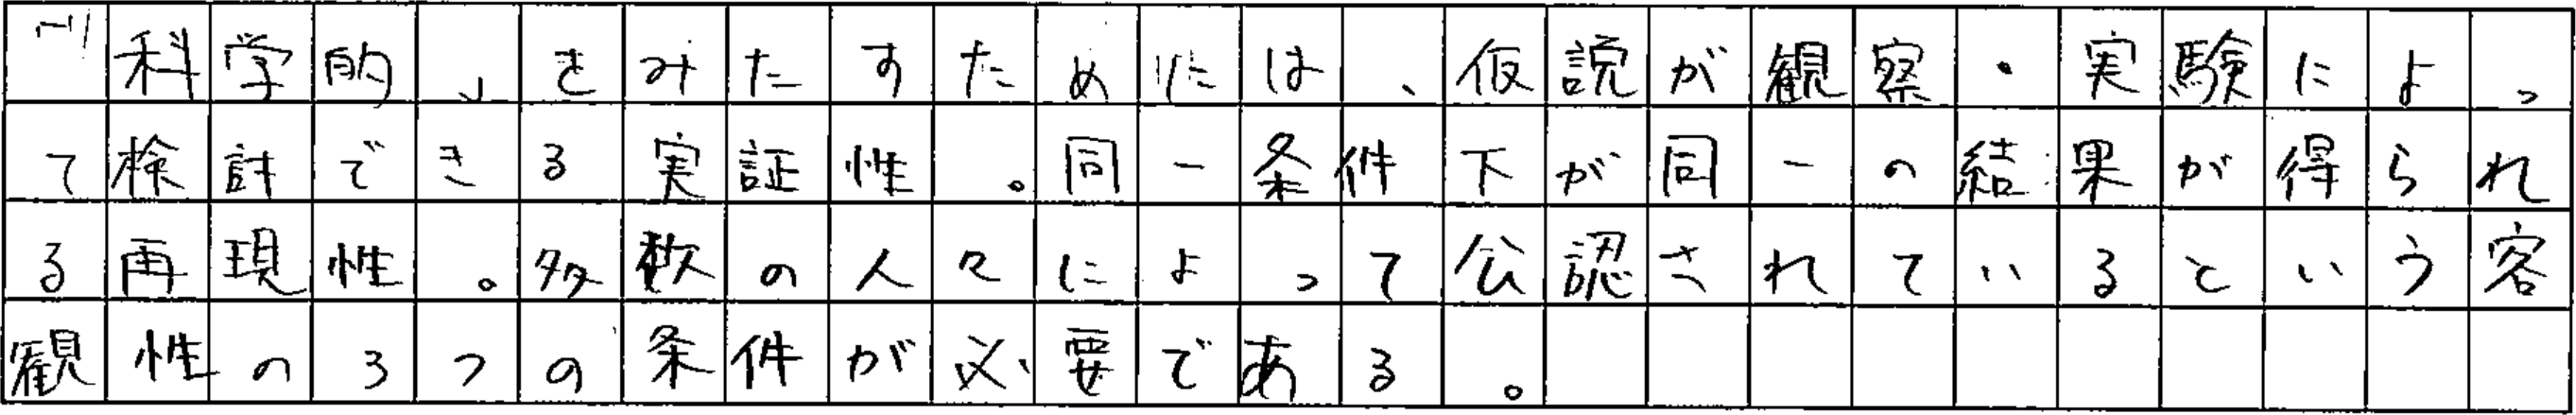「科学的」をみたすためには、仮説が観察・実験によって検討できる実証性。同一条件下が同一の結果が得られる再現性。多数の人々によって公認されているという客観性の３つの条件が必要である。
